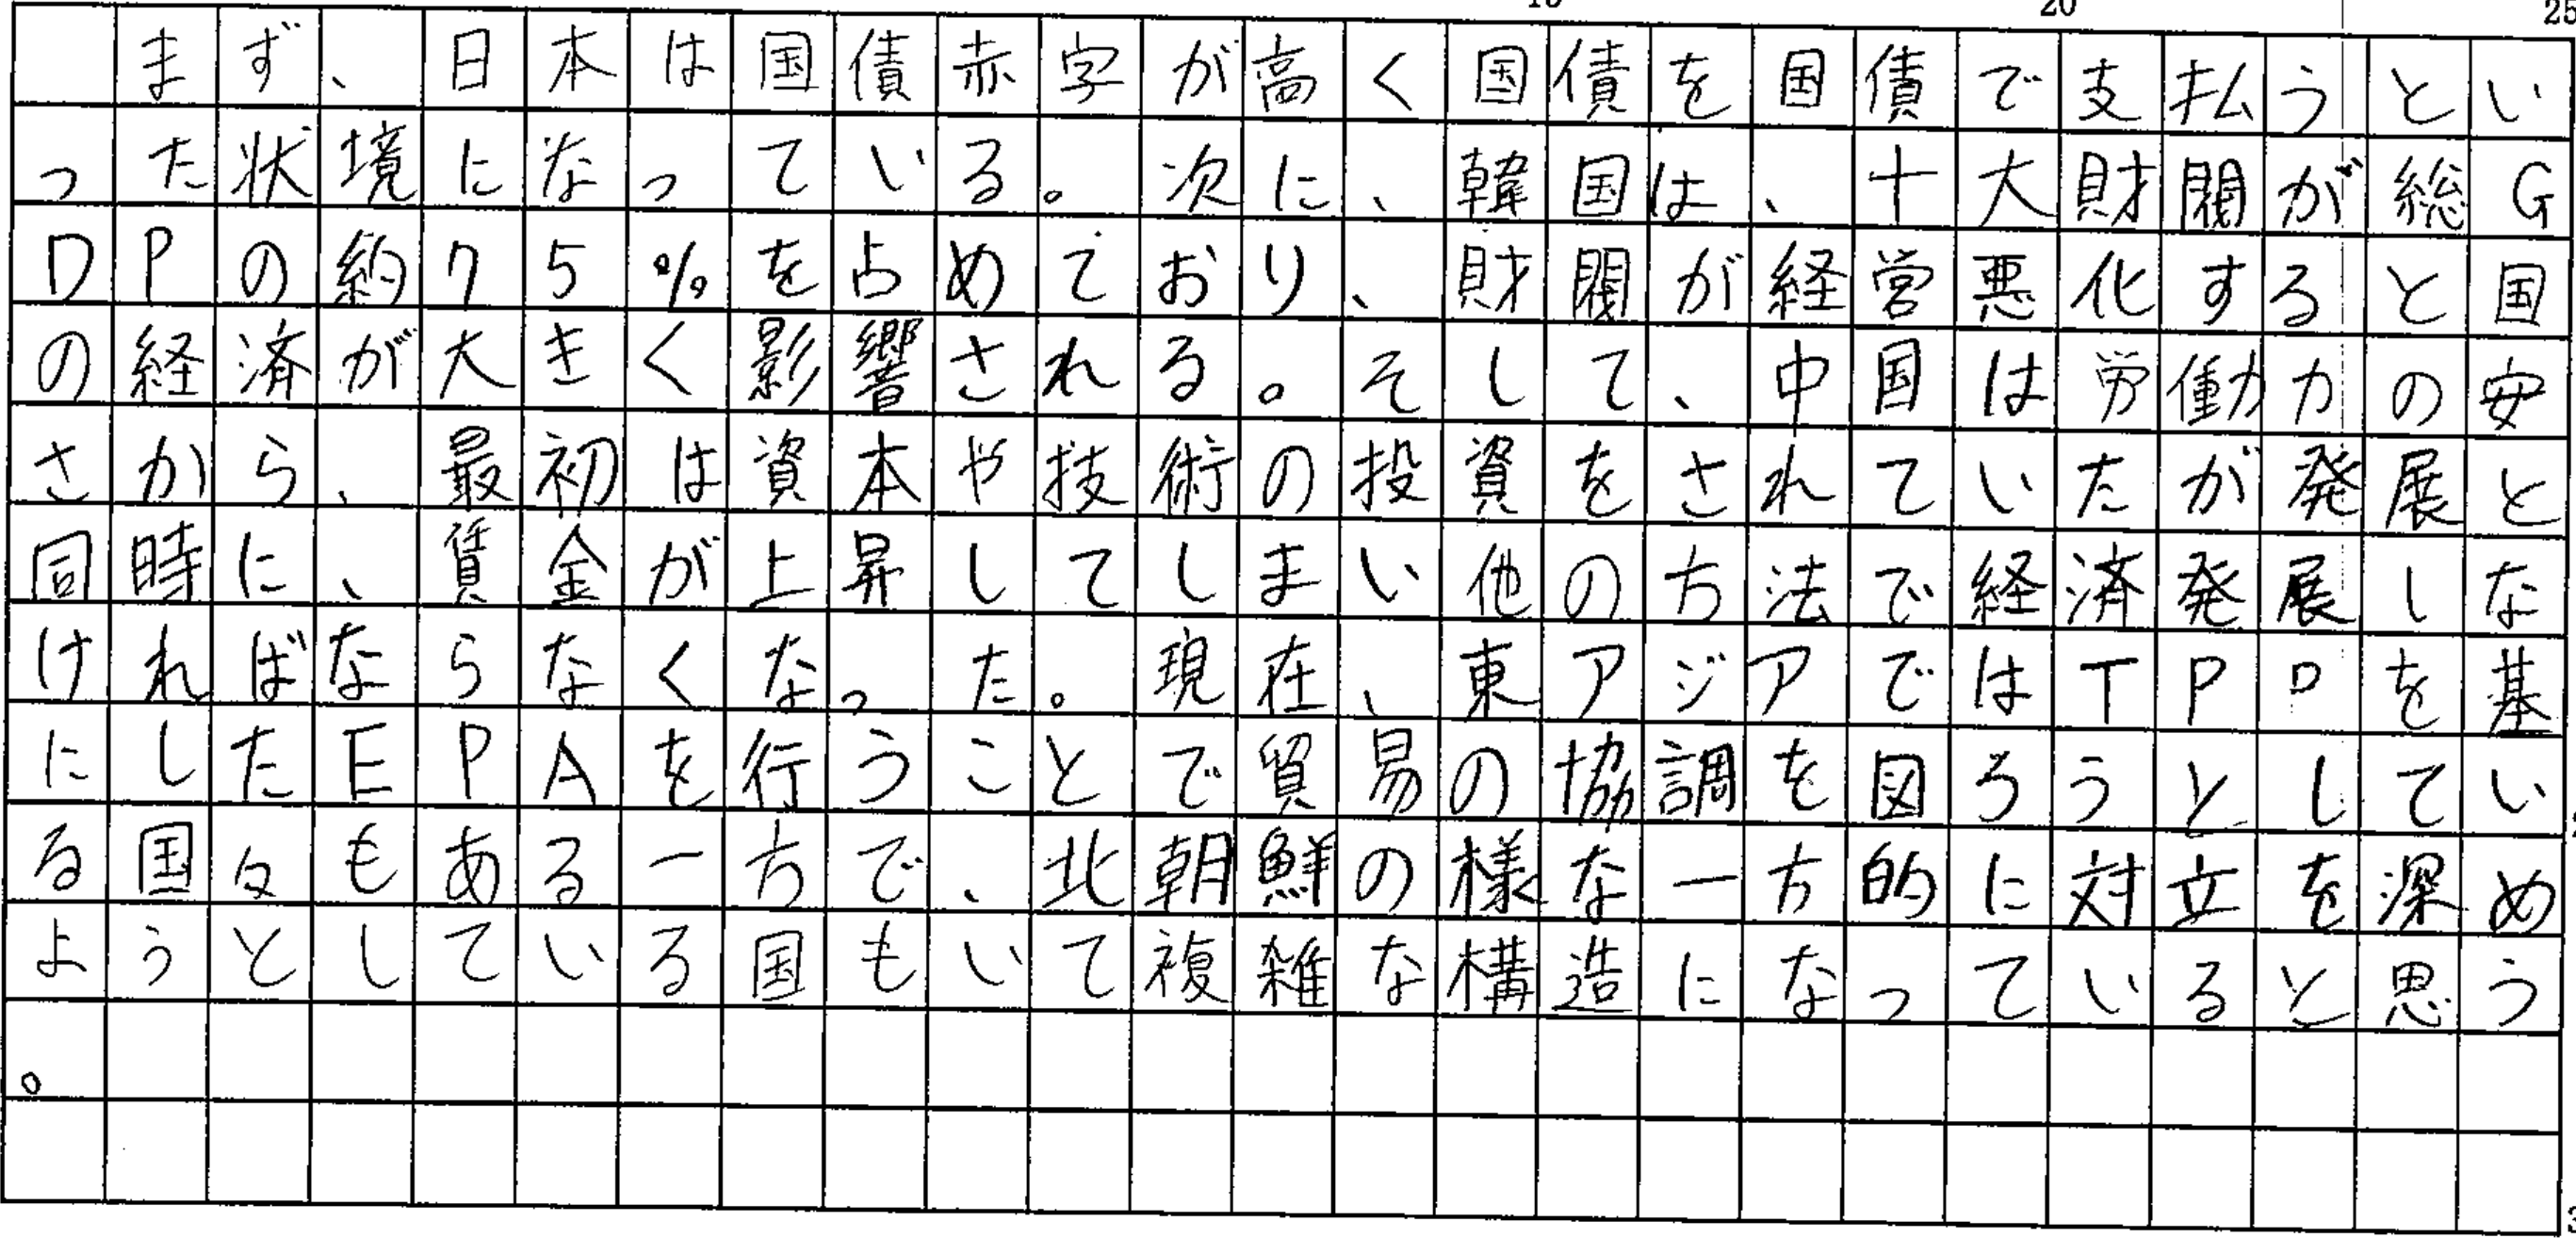　まず、日本は国債赤字が高く国債を国債で支払うといった状境になっている。次に、韓国は、十大財閥が総ＧＤＰの約７５％を占めており、財閥が経営悪化すると国の経済が大きく影響される。そして、中国は労働力の安さから、最初は資本や技術の投資をされていたが発展と同時に、賃金が上昇してしまい他の方法で経済発展しなければならなくなった。現在、東アジアではＴＰＰを基にしたＥＰＡを行うことで貿易の協調を図ろうとしている国々もある一方で、北朝鮮の様な一方的に対立を深めようとしている国もいて複雑な構造になっていると思う。
